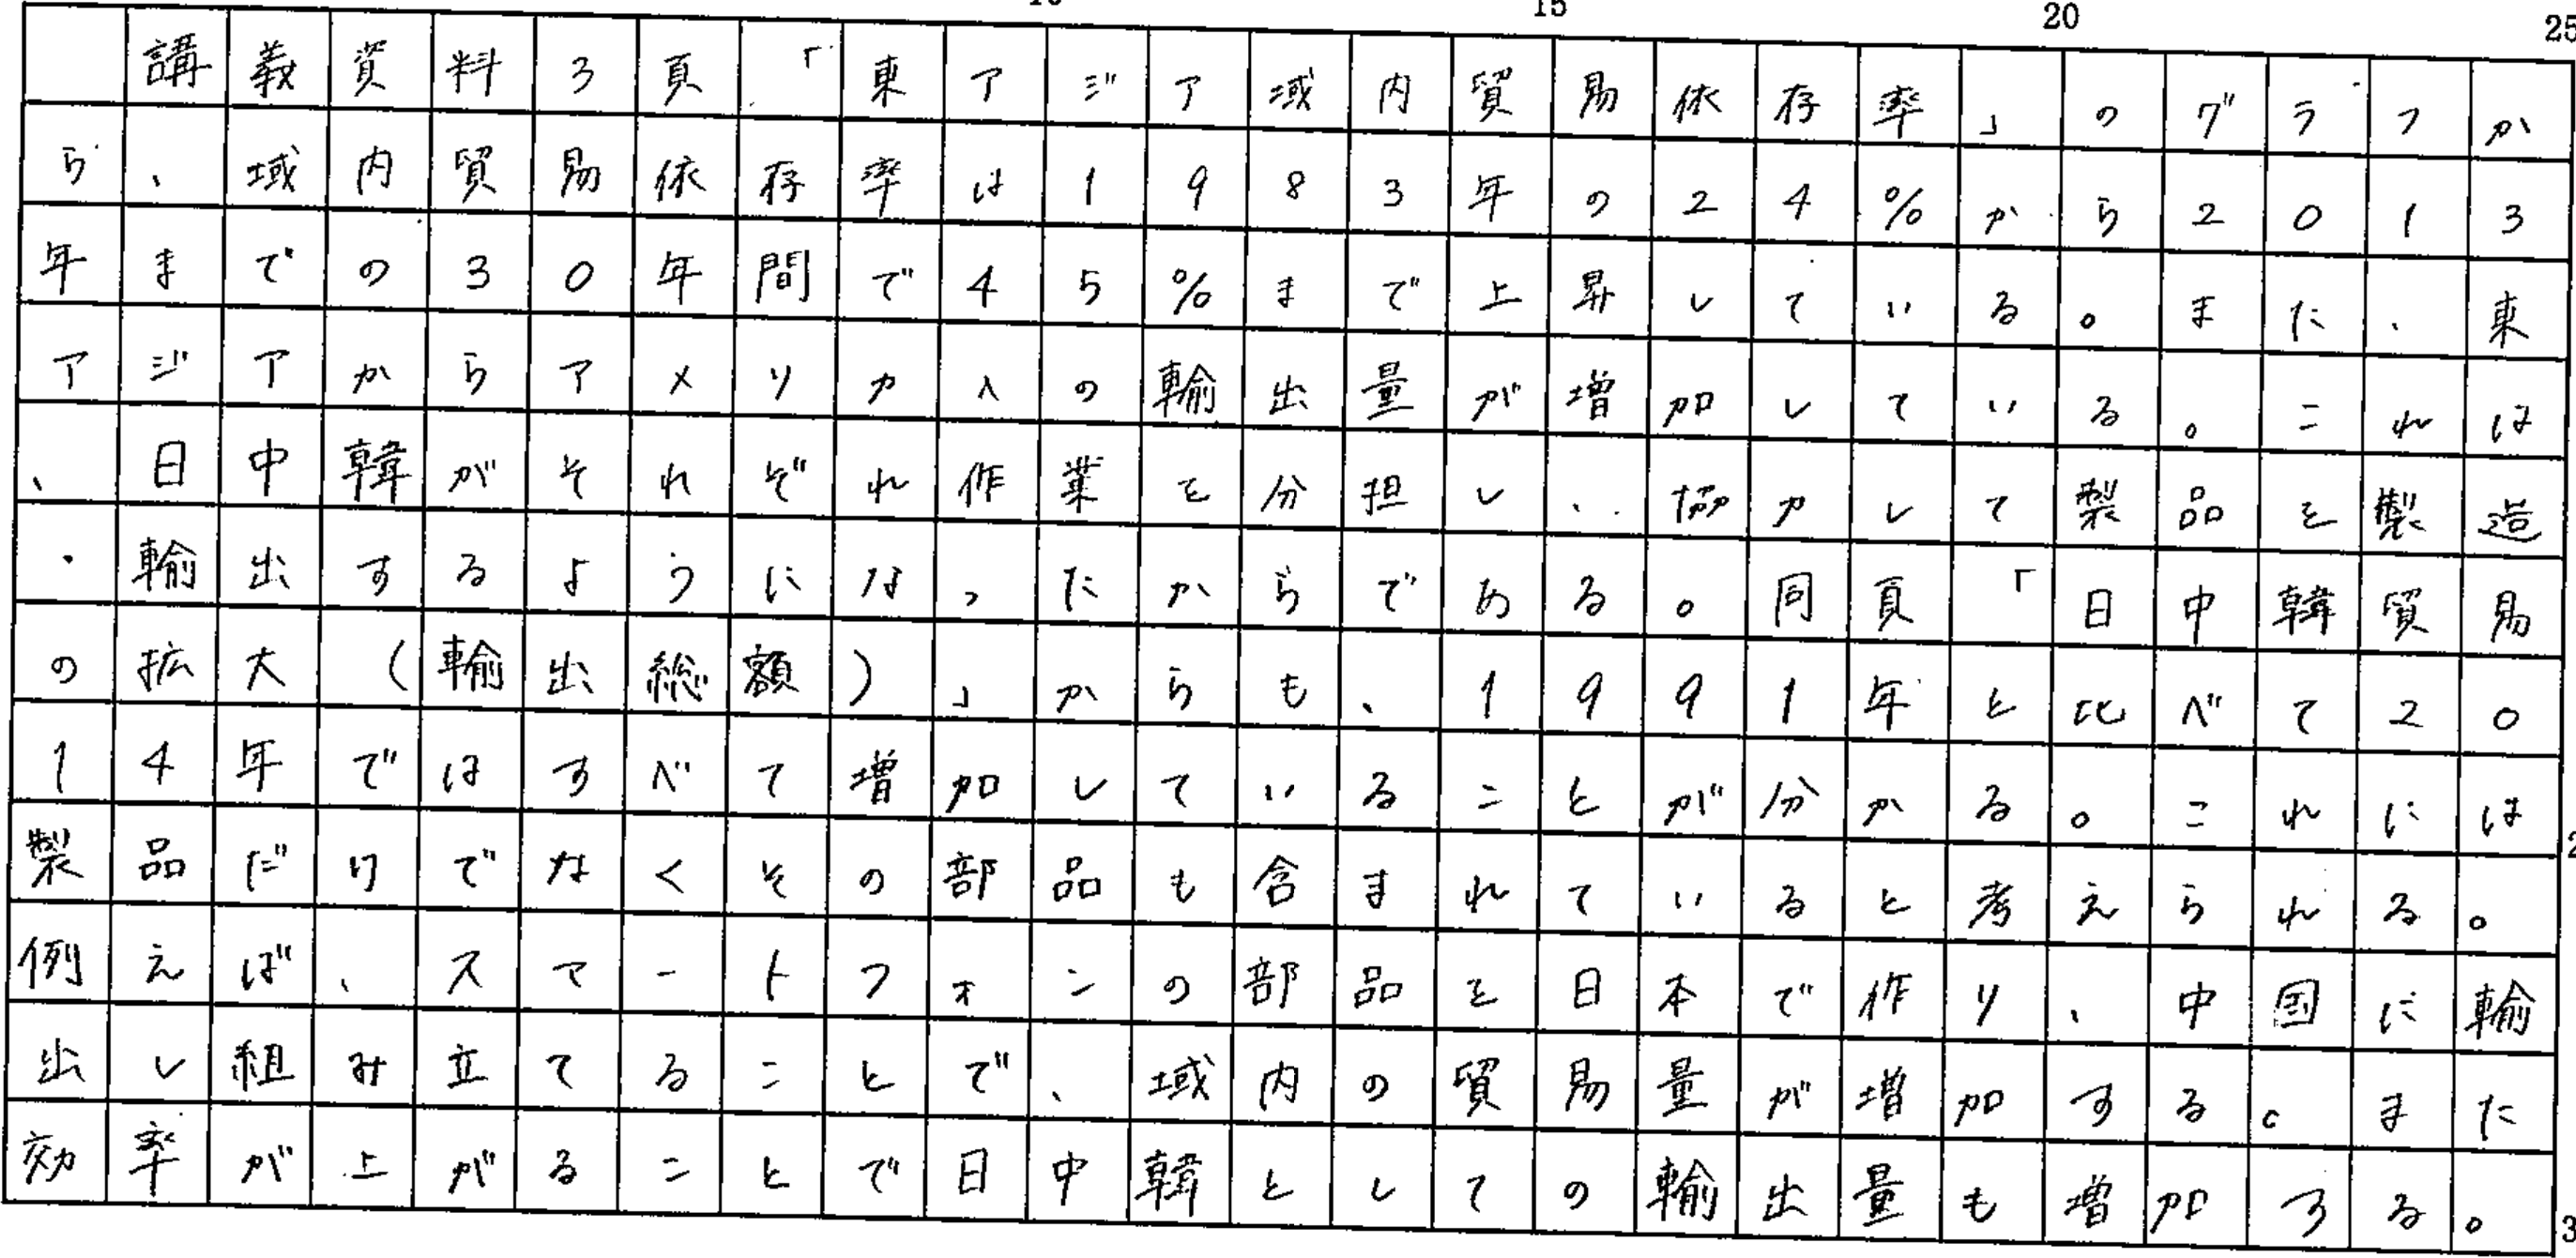　講義資料３頁「東アジア域内貿易依存率」のグラフから、域内貿易依存率は１９８３年の２４％から２０１３年までの３０年間で４５％まで上昇している。また、東アジアからアメリカへの輸出量が増加している。これは、日中韓がそれぞれ作業を分担し、協力して製品を製造・輸出するようになったからである。同頁「日中韓貿易の拡大（輸出総額）」からも、１９９１年と比べて２０１４年ではすべて増加していることが分かる。これには製品だけでなくその部品も含まれていると考えられる。例えば、スマートフォンの部品を日本で作り、中国に輸出し組み立てることで、域内の貿易量が増加する。また効率が上がることで日中韓としての輸出量も増加する。
